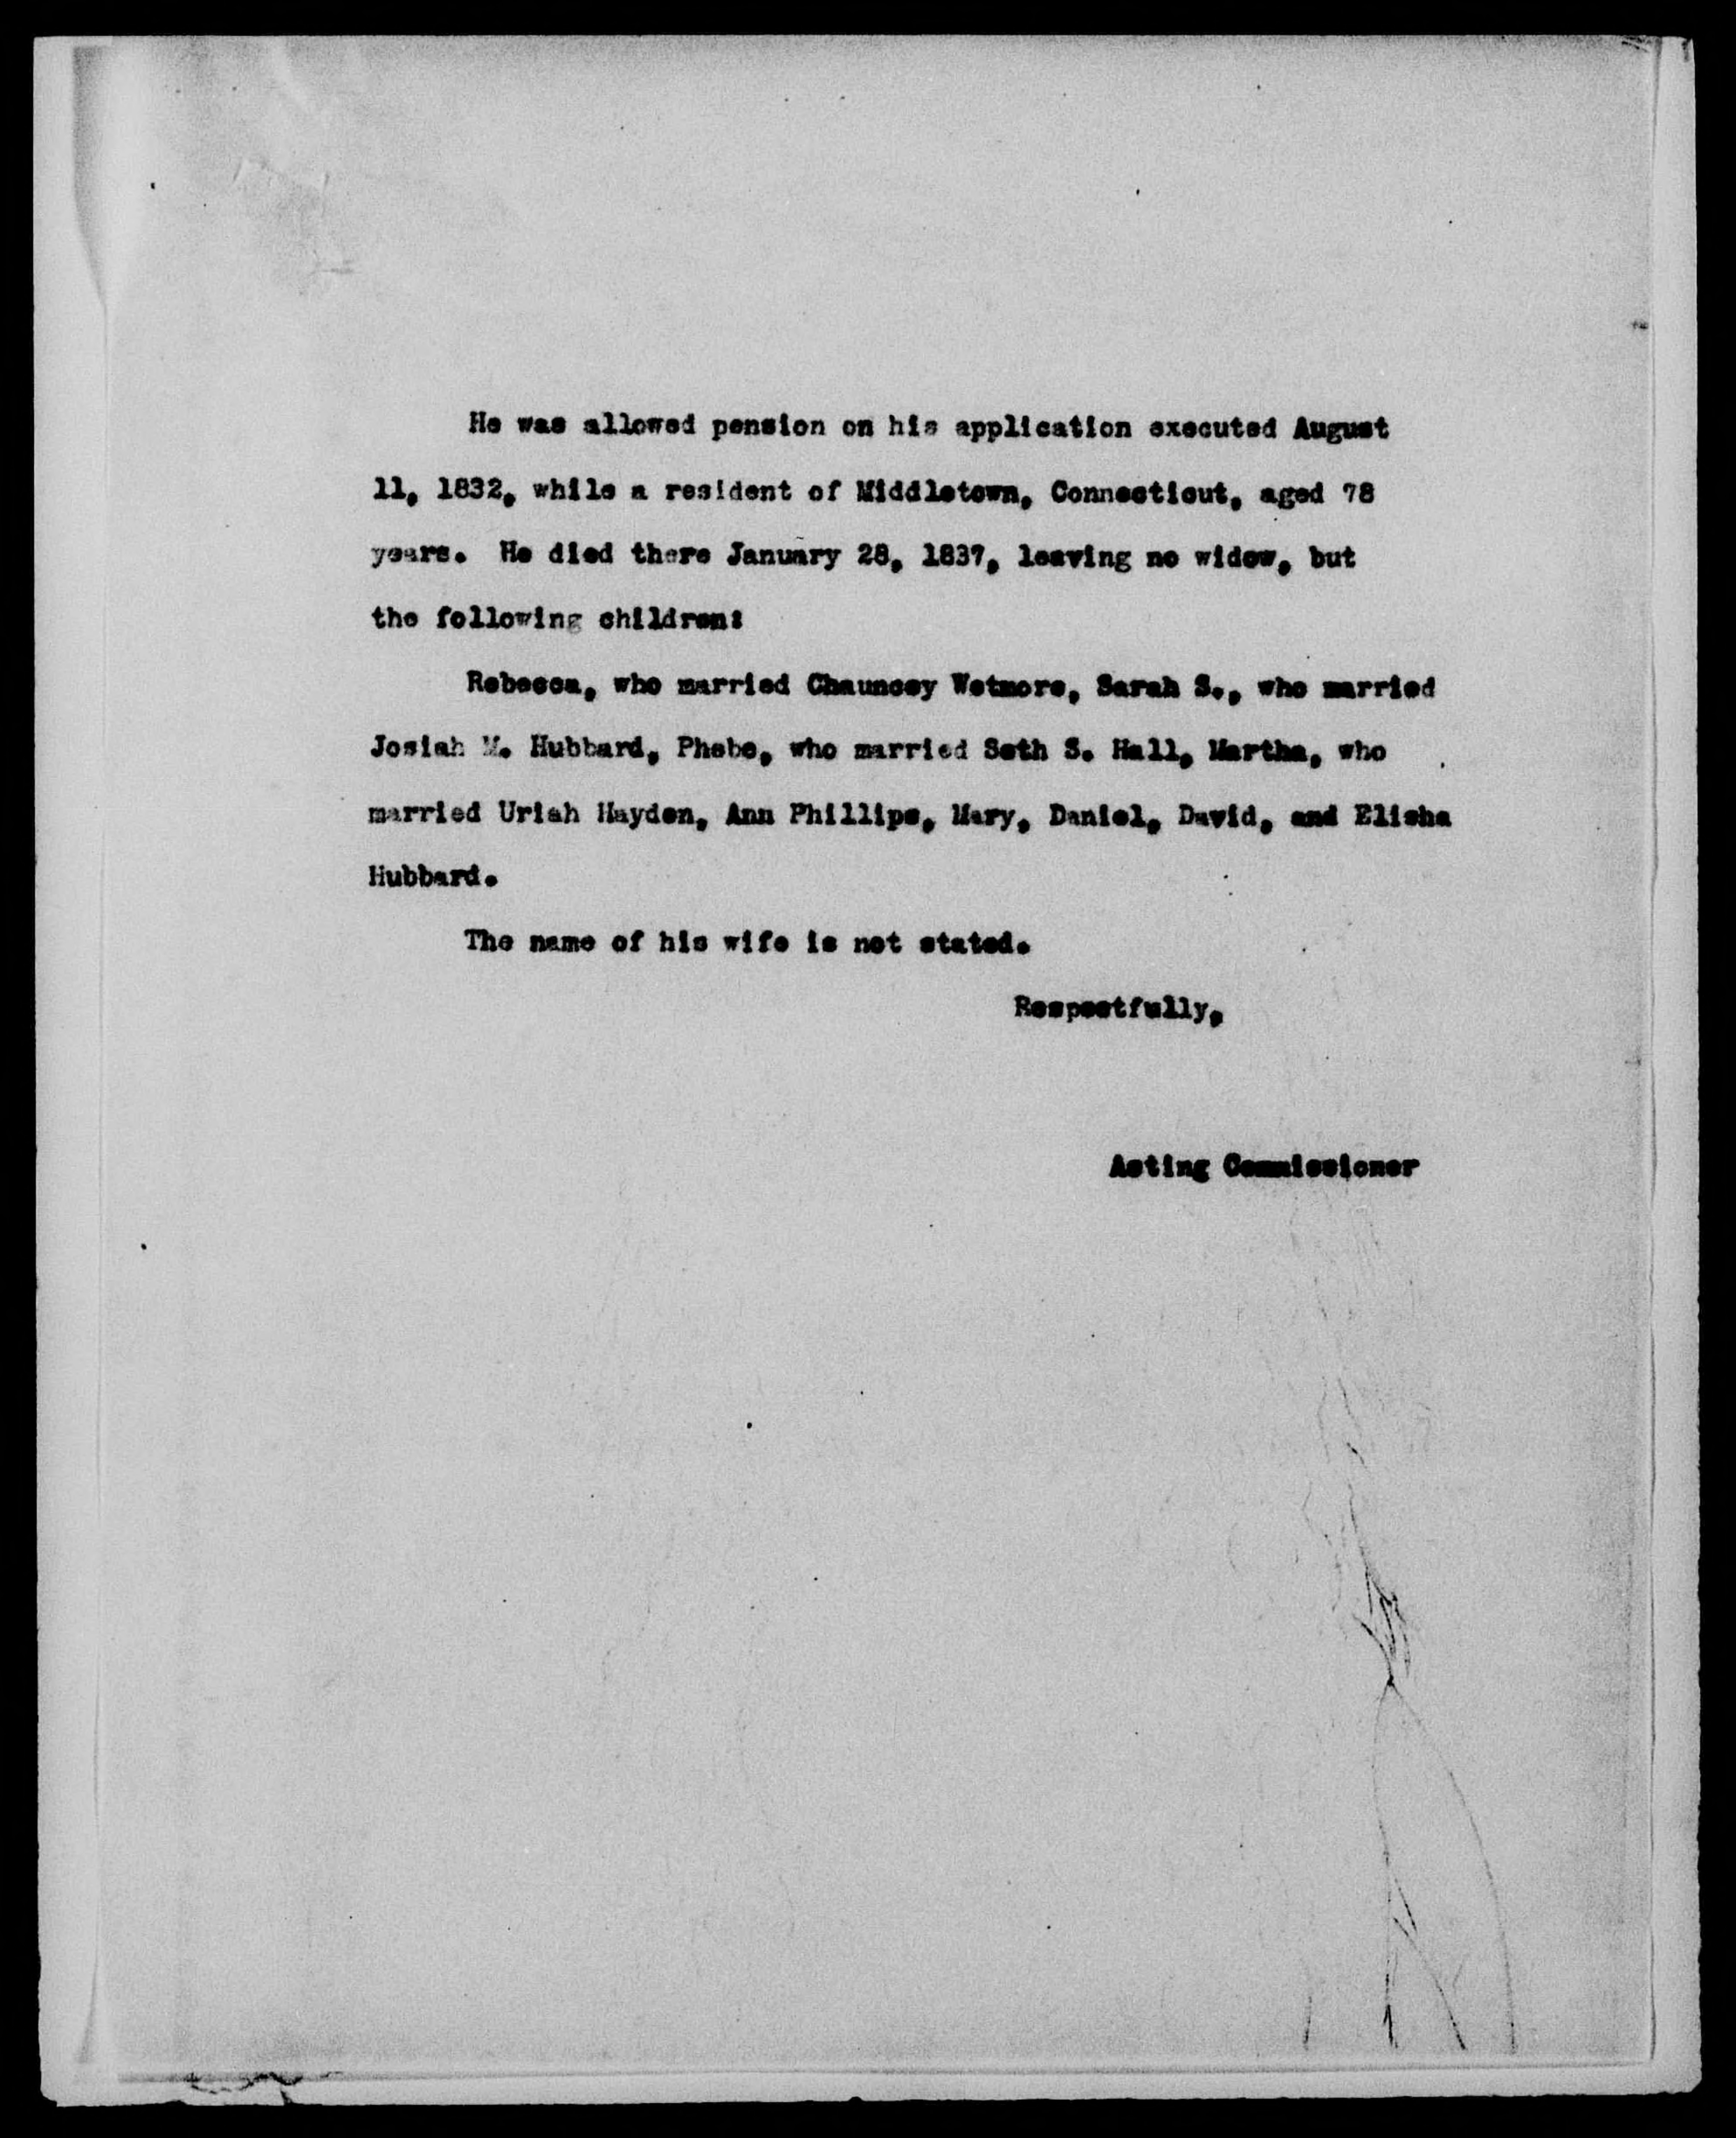[typed]
He was allowed a pension on his application executed August 11, 1832, while a resident of Middletown, Connecticut, aged 78 years. He died there January 28, 1837, leaving no widow, but the following children: - 
Rebecca, who married Chauncey Wetmore, Sarah S., who married Josiah M. Hubbard, Phabe who married Seth S. Hall, Martha, who married Uriah Hayden, Ann Phillips, Mary, Daniel, David and Elisha Hubbard.
The name of his wife is not stated.

Respectfully,

[not signed]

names: David Hubbard, Uriah Hayden, Elisha Hubbard, Seth S Hall, Daniel Hubbard, Rebecca, Chauncey Wetmore, Sarah S, Phebe, Martha, Ann Phillips, Josiah M Hubbard, Mary Hubbard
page: 25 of 63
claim: survivor's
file: S. 18457, Elisha Hubbard, Conn. Continental